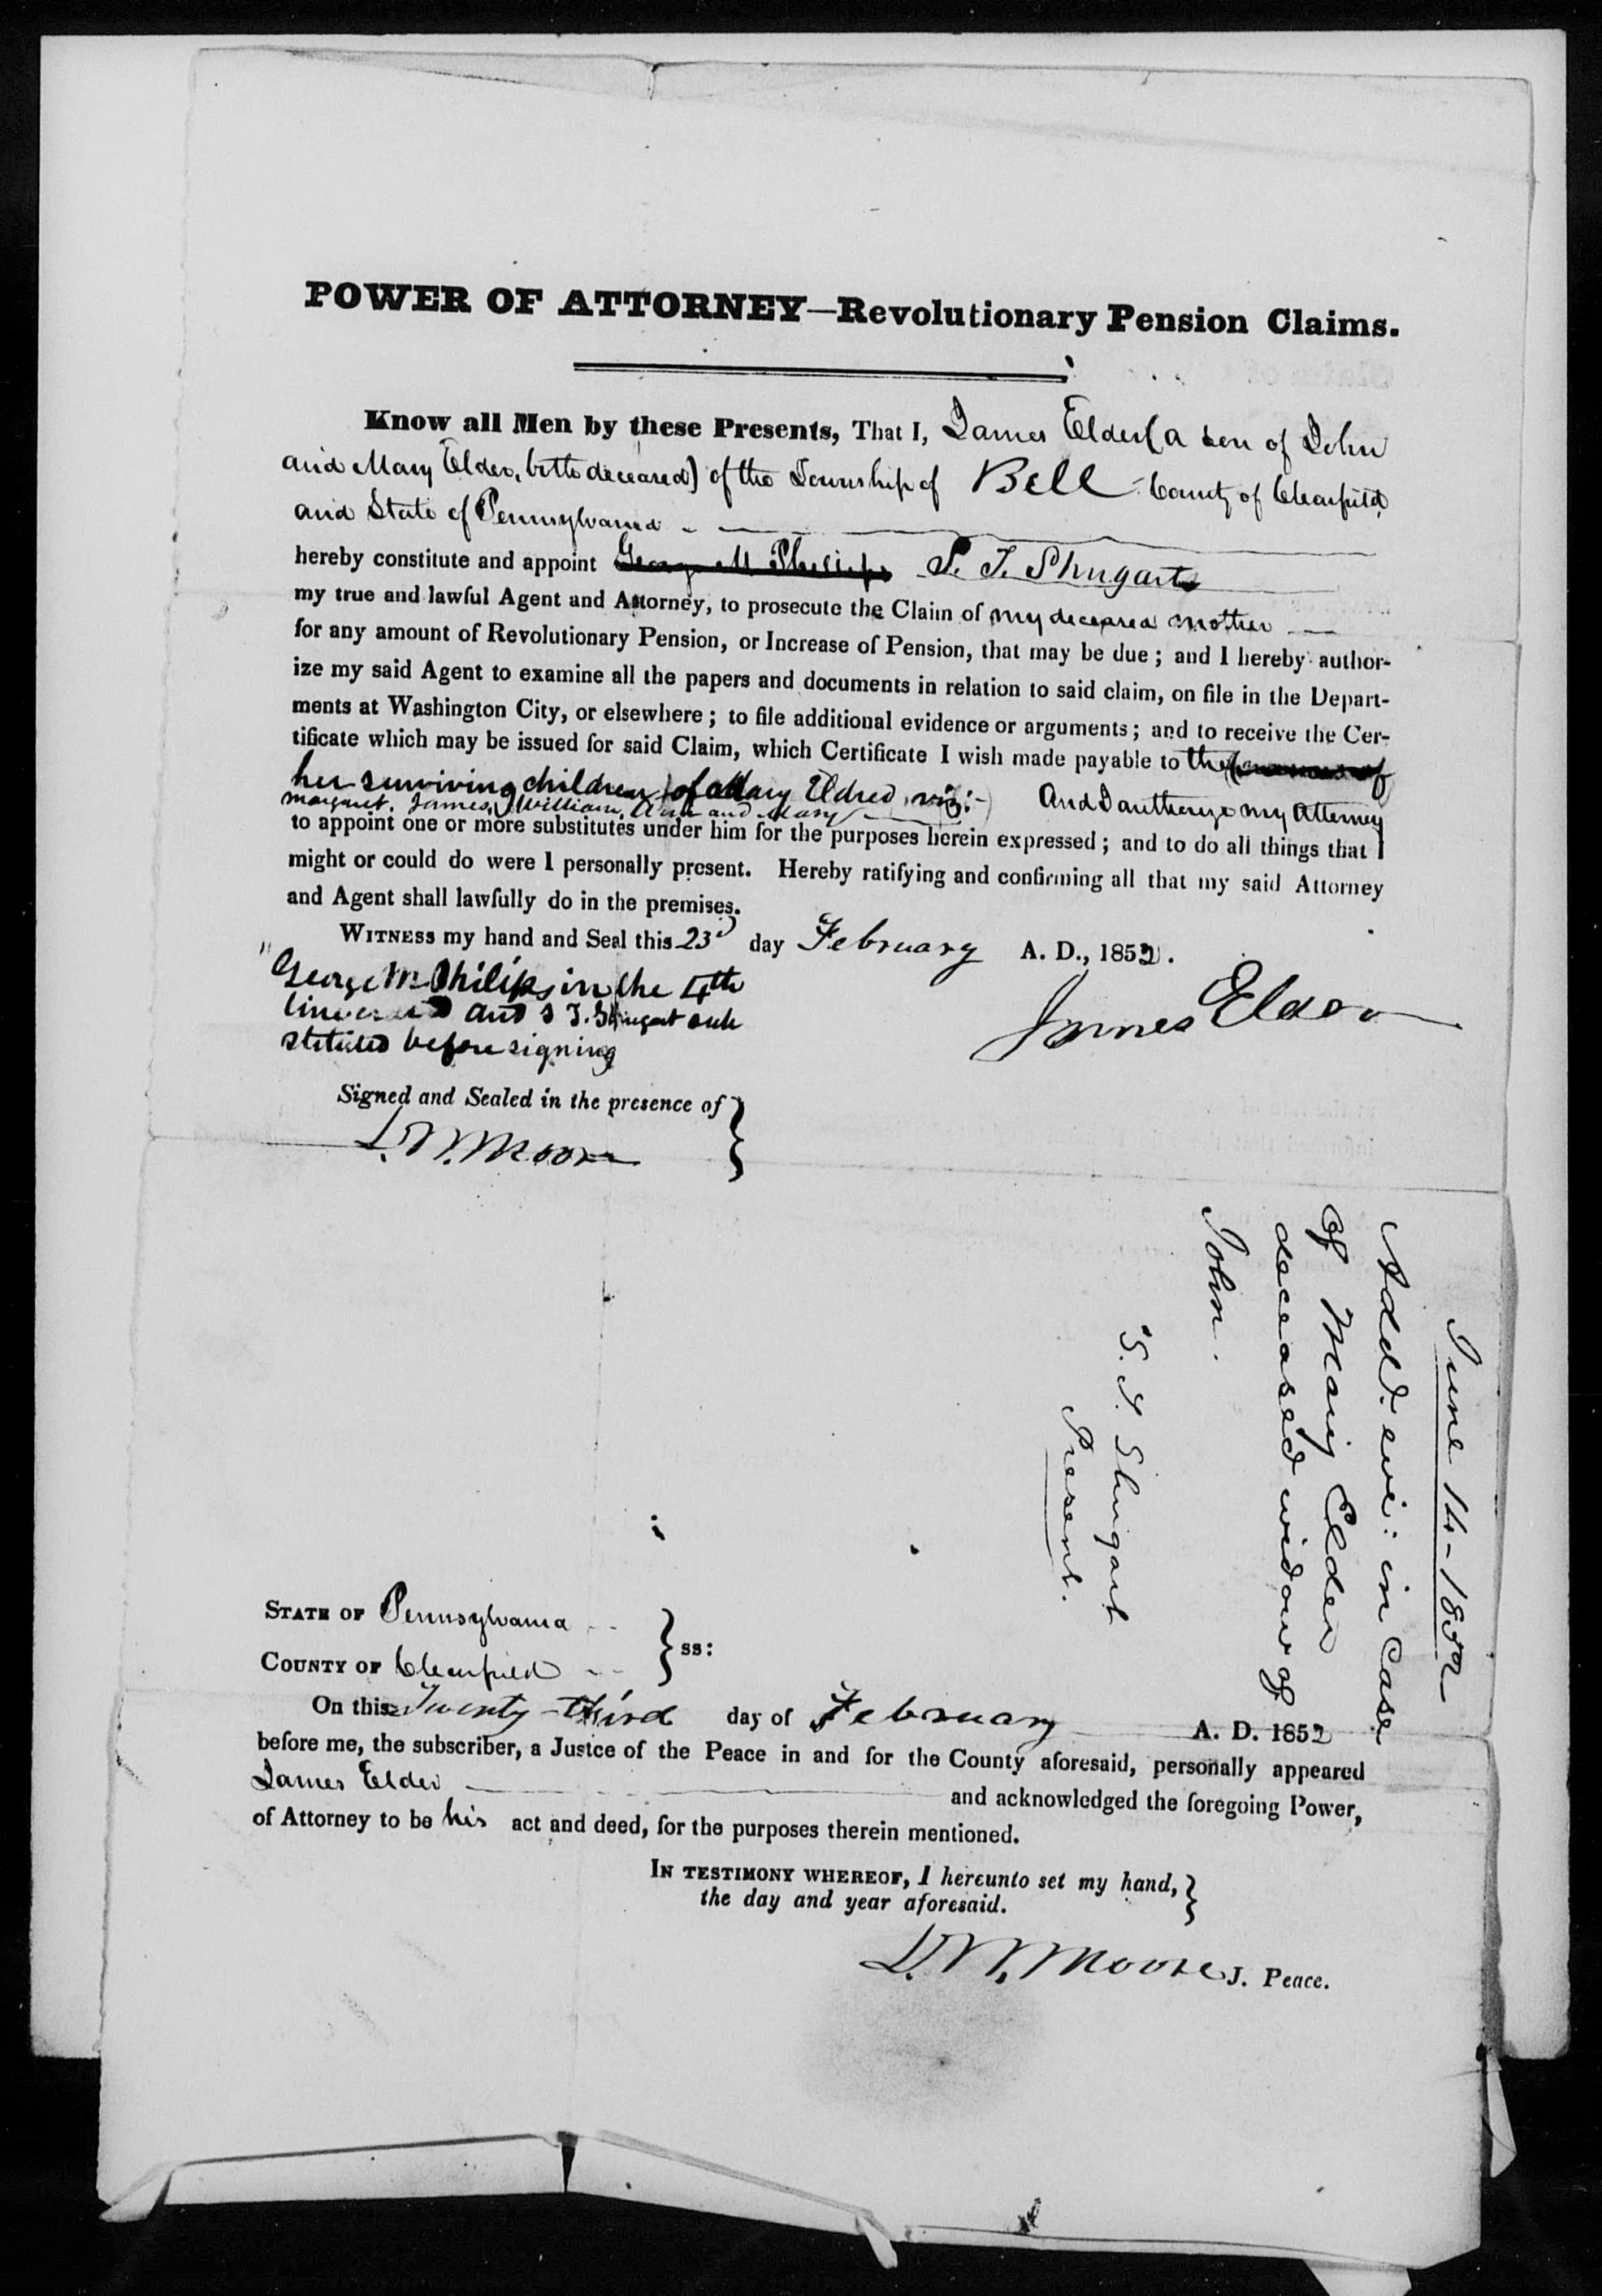POWER OF ATTORNEY - Revolutionary Pension Claims.
————————————————————————-
Know all Men by these Presents, That I, (a heir of John and Mary Elder)both deceased, of the Township of Bell, County of Clearfield, and State of Pennsylvania—————————————
Hereby constitute and appoint (name was crossed through) S.T. Shugart, My true and lawful Agent and Attorney, to prosecute the Claim of my deceased mother———-for any amount of Revolutionary Pension, or Increase of Pension, that may be due; and I hereby authorize my said Agent to examine all the papers and documents in relation to said claim, on file in the Departments at Washington City, or elsewhere; to file additional evidence or arguments; and to receive the Certificate which may be issued for said Claim, which Certificate I wish made payable to the (crossed out two words) her surviving children of Mary Elder viz: Margaret, James, William, (one name starts with a W and looks like it is a 4 letter name, possibly Wirn. It is handwritten on the form and is not very legible) and Mary———and authorize my attorney to appoint one or more substitutes under him for the purposes herein expressed; and to do all things that might or could do were I personally present.  Hereby ratifying and confirming all that my said Attorney and Agent shall lawfully do in the premises.
Witness my hand Seal this 25 day of February A.D.,  1852.                    James Elder
George M Philips in the 4th 
(Not legible) and ST. Shugart substituted before signing
Signed and Sealed in the presence of }
D.W. Moore
State of Pennsylvania }ss:
County Clearfield
On this twenty-third day of February.      A.D. 1852
Before me, the subscriber, a Justice of the Peace in and for the County aforesaid, personally appeared James Elder, ——————- acknowledged the foregoing Power, of Attorney to be his act and deed, for the purposes therein mentioned.
IN TESTIMONY WHEREOF, I hereunto set my hand} the day and year aforesaid
DW Moore J. Peace
————————————————————————-
(Above this last paragraph, was a handwritten note that was as follows vertical on right side of page)
June 11. 1852
————————
Addl. EvI. In case of Mary Elder deceased widow of John.
ST Shugart
Present
—————-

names: D W Moore, S T Shugart, S T Shugart, D W Moore, Mary, S T Shugart, James Elder, George M Phillips, John Elder, Mary Eldred, Ann, John Elder, William, James Elder, Margaret, George M Philips, Mary Elder, James Elder, Mary Elder, James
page: 13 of 80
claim: widow's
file: W. 24117, John Elder, Penn.